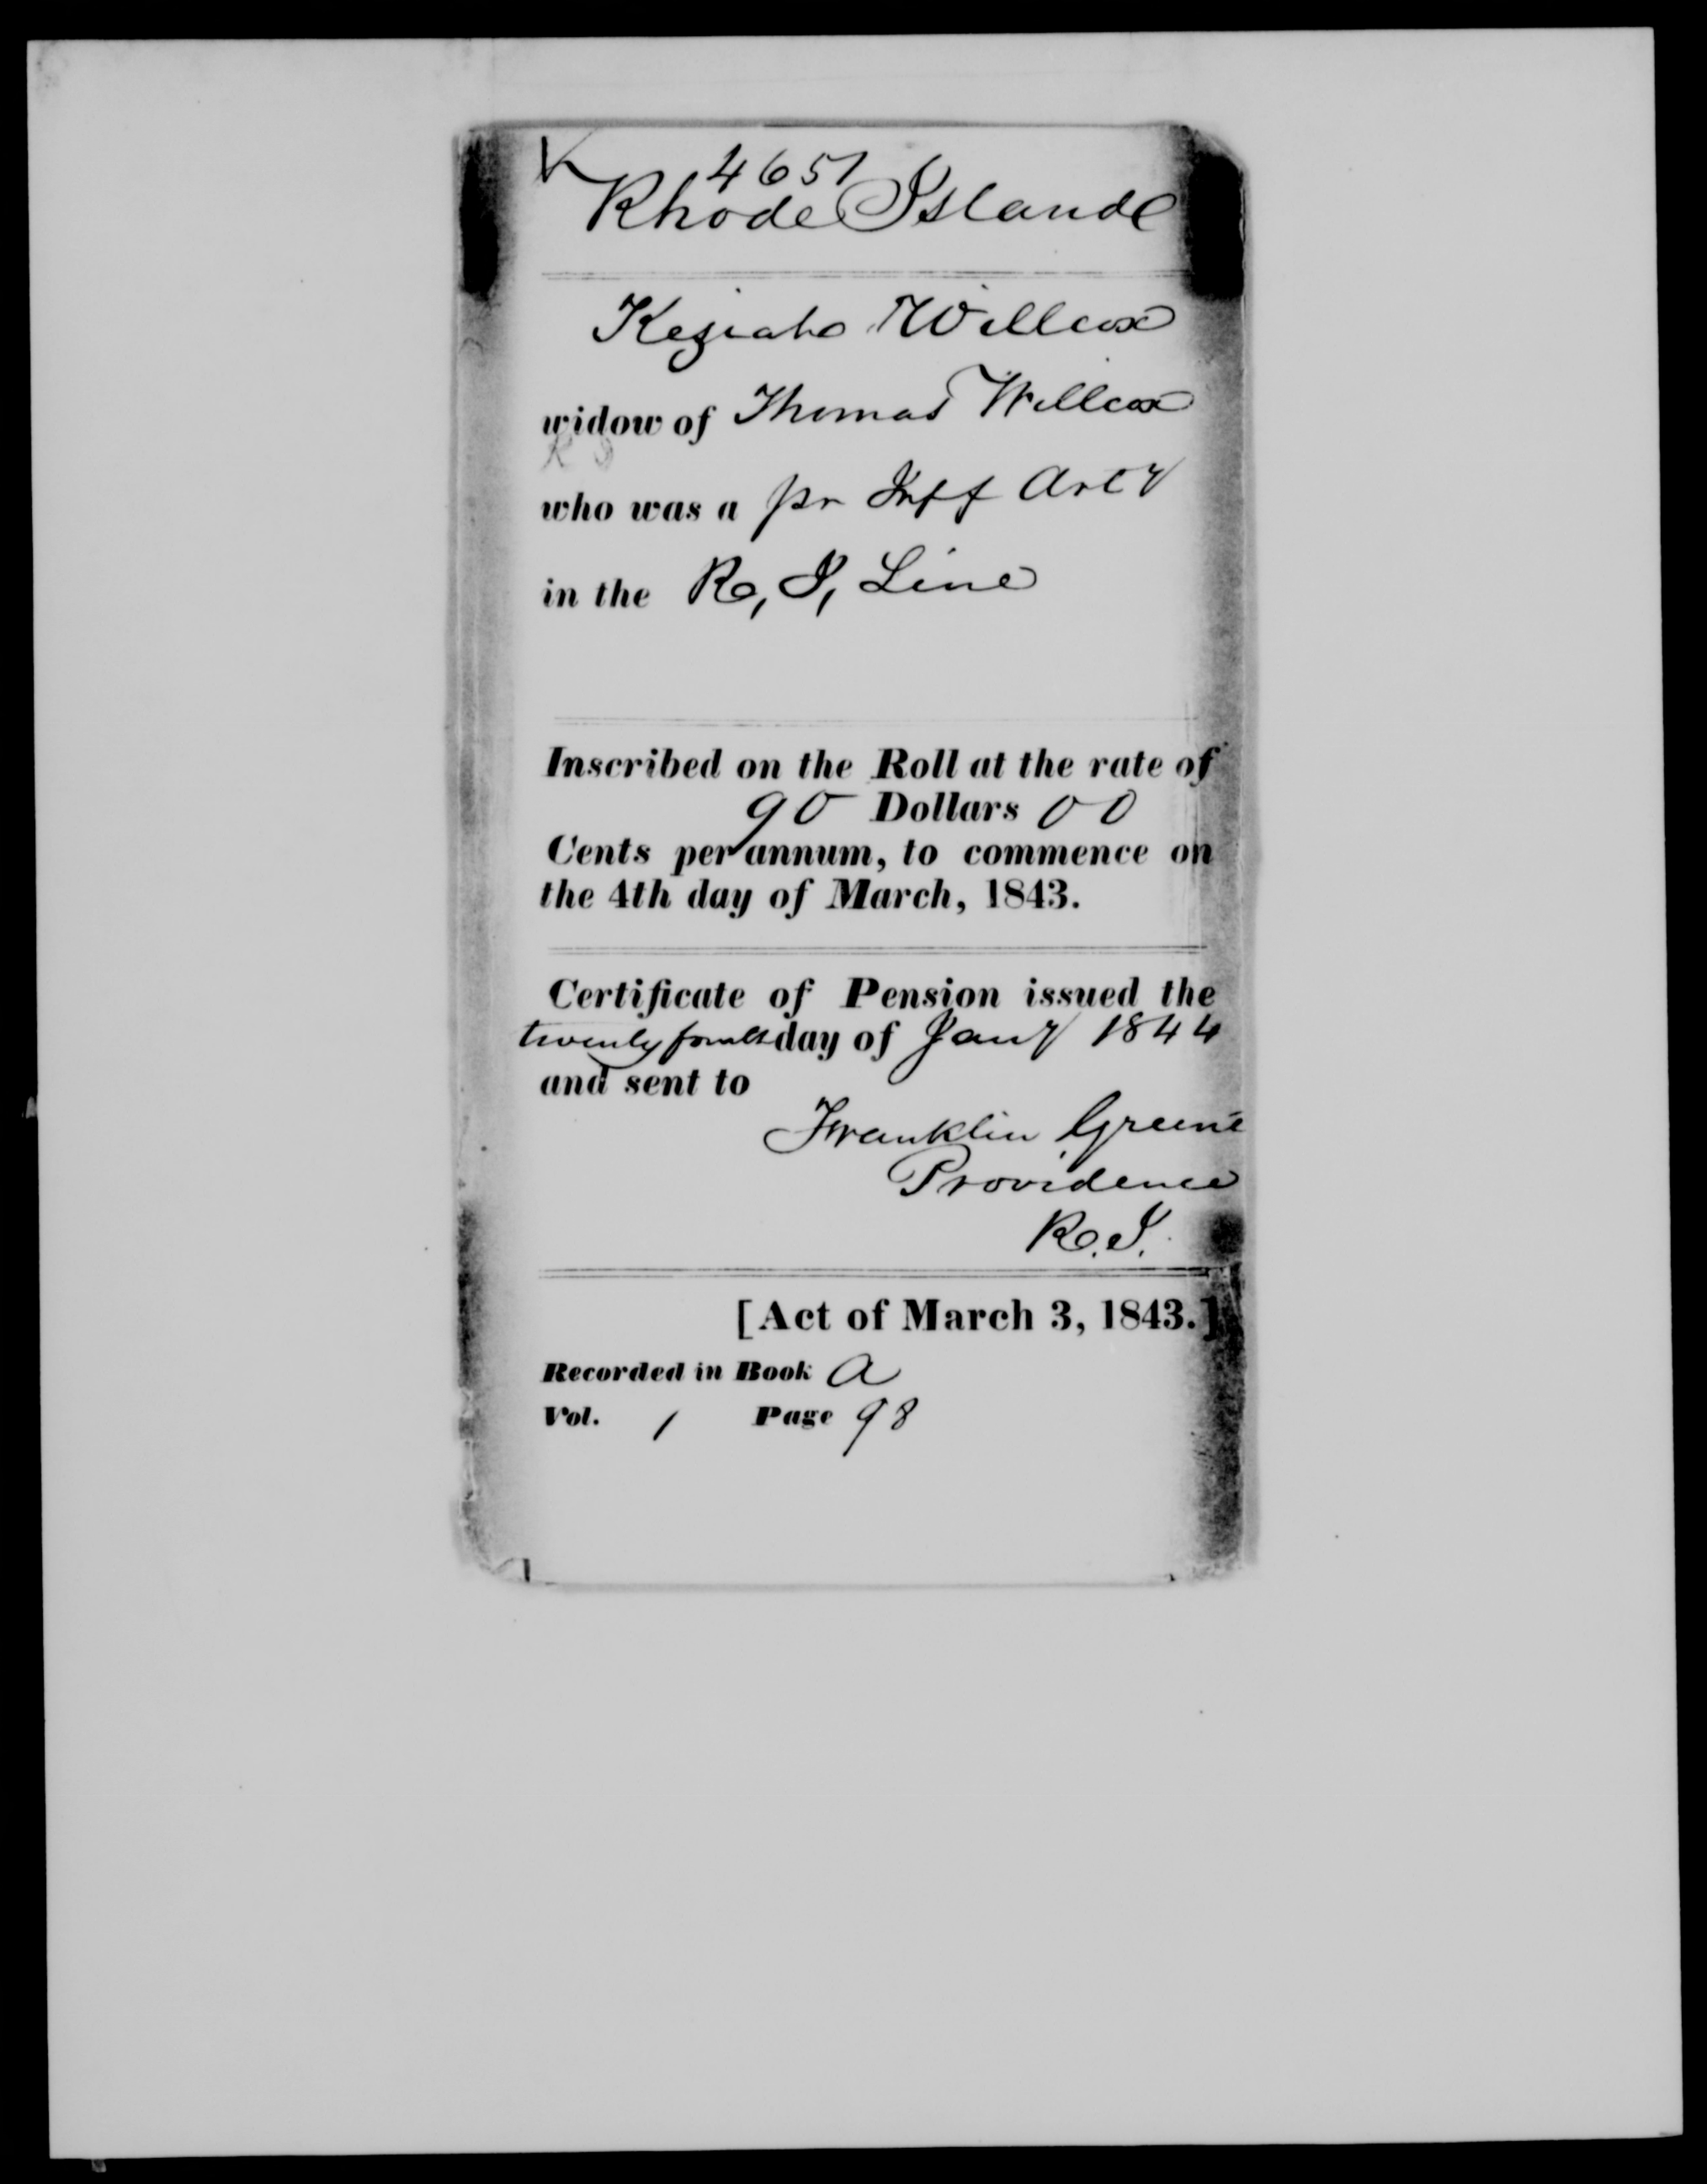4657
Rhode Island
-
Keziah Willcox
widow of Thomas Wilcox R I
who was a [illegible] Inff artr
in the R.I. Line
Inscribed on the Roll at the rate of
90 Dollars 00
Cents per annum, to commence on
the 4th day of March, 1843.
Certificate of Pension issued the
twenty fourth day of Janury 1844
and sent to
Franklin Greene
Providence
R. I.
Act of March 3, 1843
Recorded in Book A
Vol. 1 Page 98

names: Keziah Willcox, Thomas Willcox, Franklin Greene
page: 3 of 39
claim: widow's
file: W. 26046, Thomas Willcox, R.I.